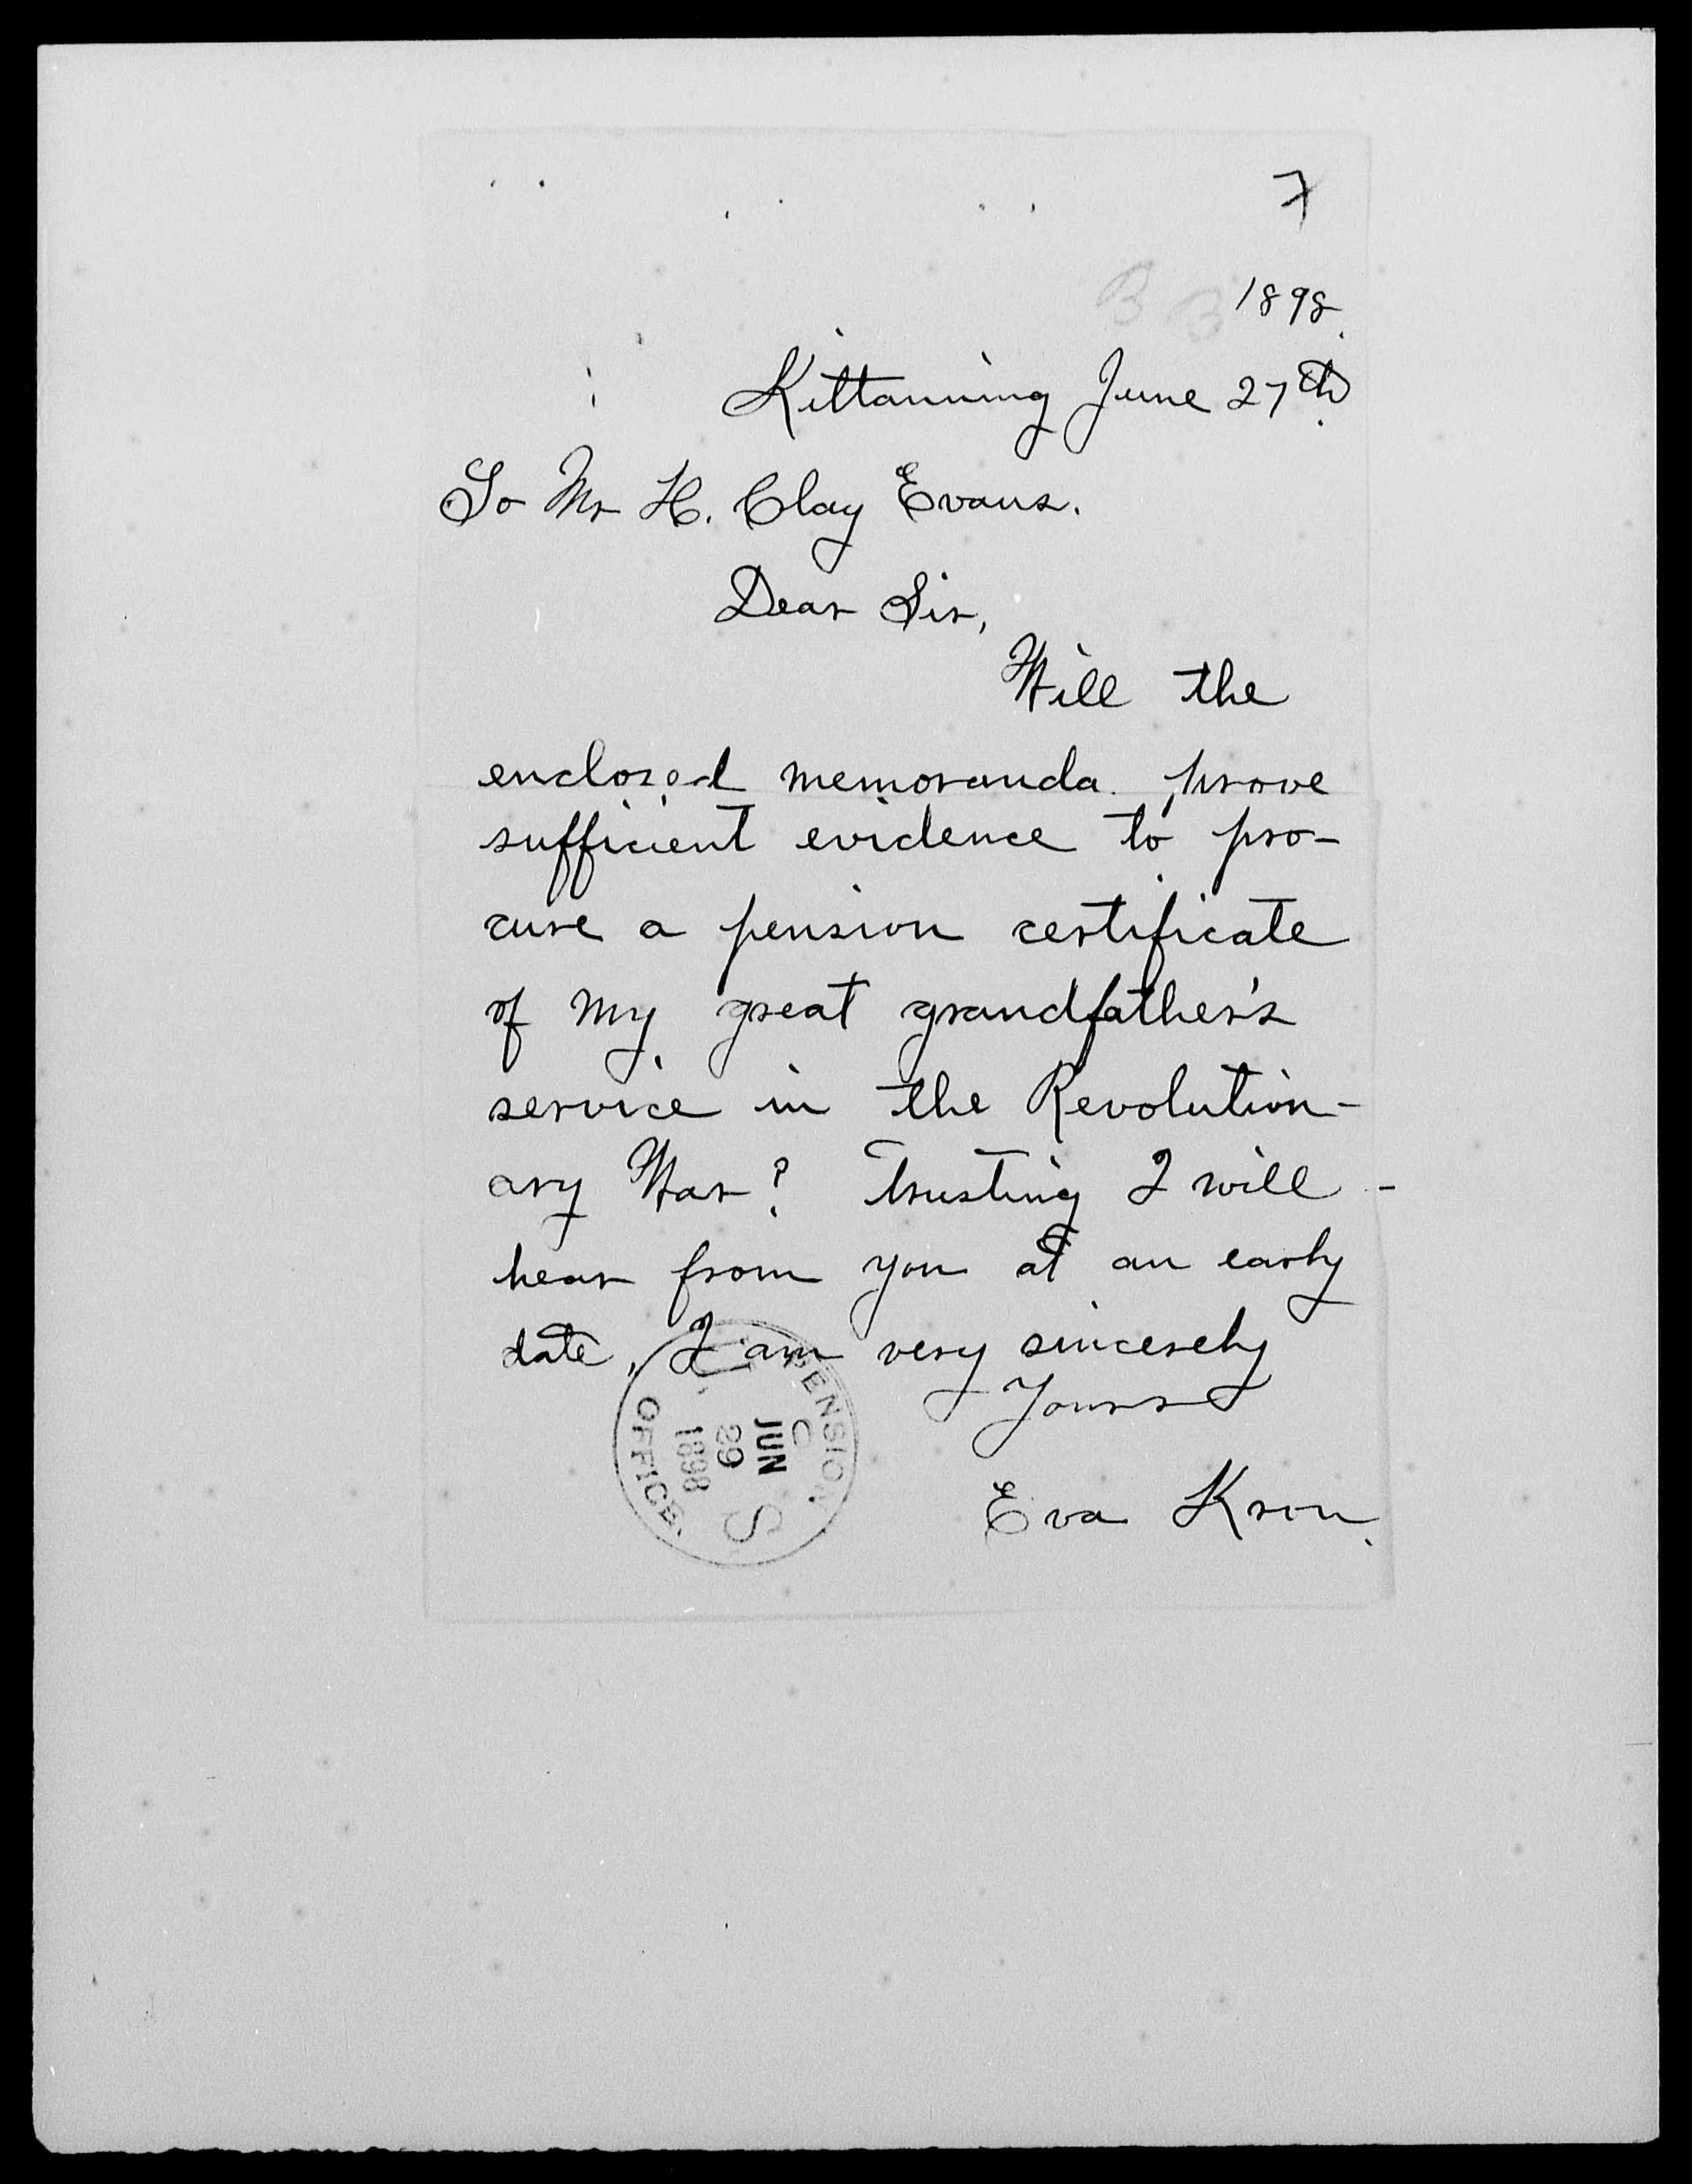[note top right]
7
B B

1898.
Kittanning June 27th.
To Mr H. Clay Evans.
Dear Sir,
Will the enclosed memoranda prove sufficient evidence to procure a pension certificate of my great grandfather's service in the Revolutionary War? Trusting I will hear from you at an early date, I am very sincerely
Yours
Eva Kron

[stamp, bottom]
U. S. PENSION OFFICE.
O
JUN 29 1898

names: Eva Kron, H Clay Evans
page: 73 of 83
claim: widow's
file: W. 5946, John Brandon, Penn